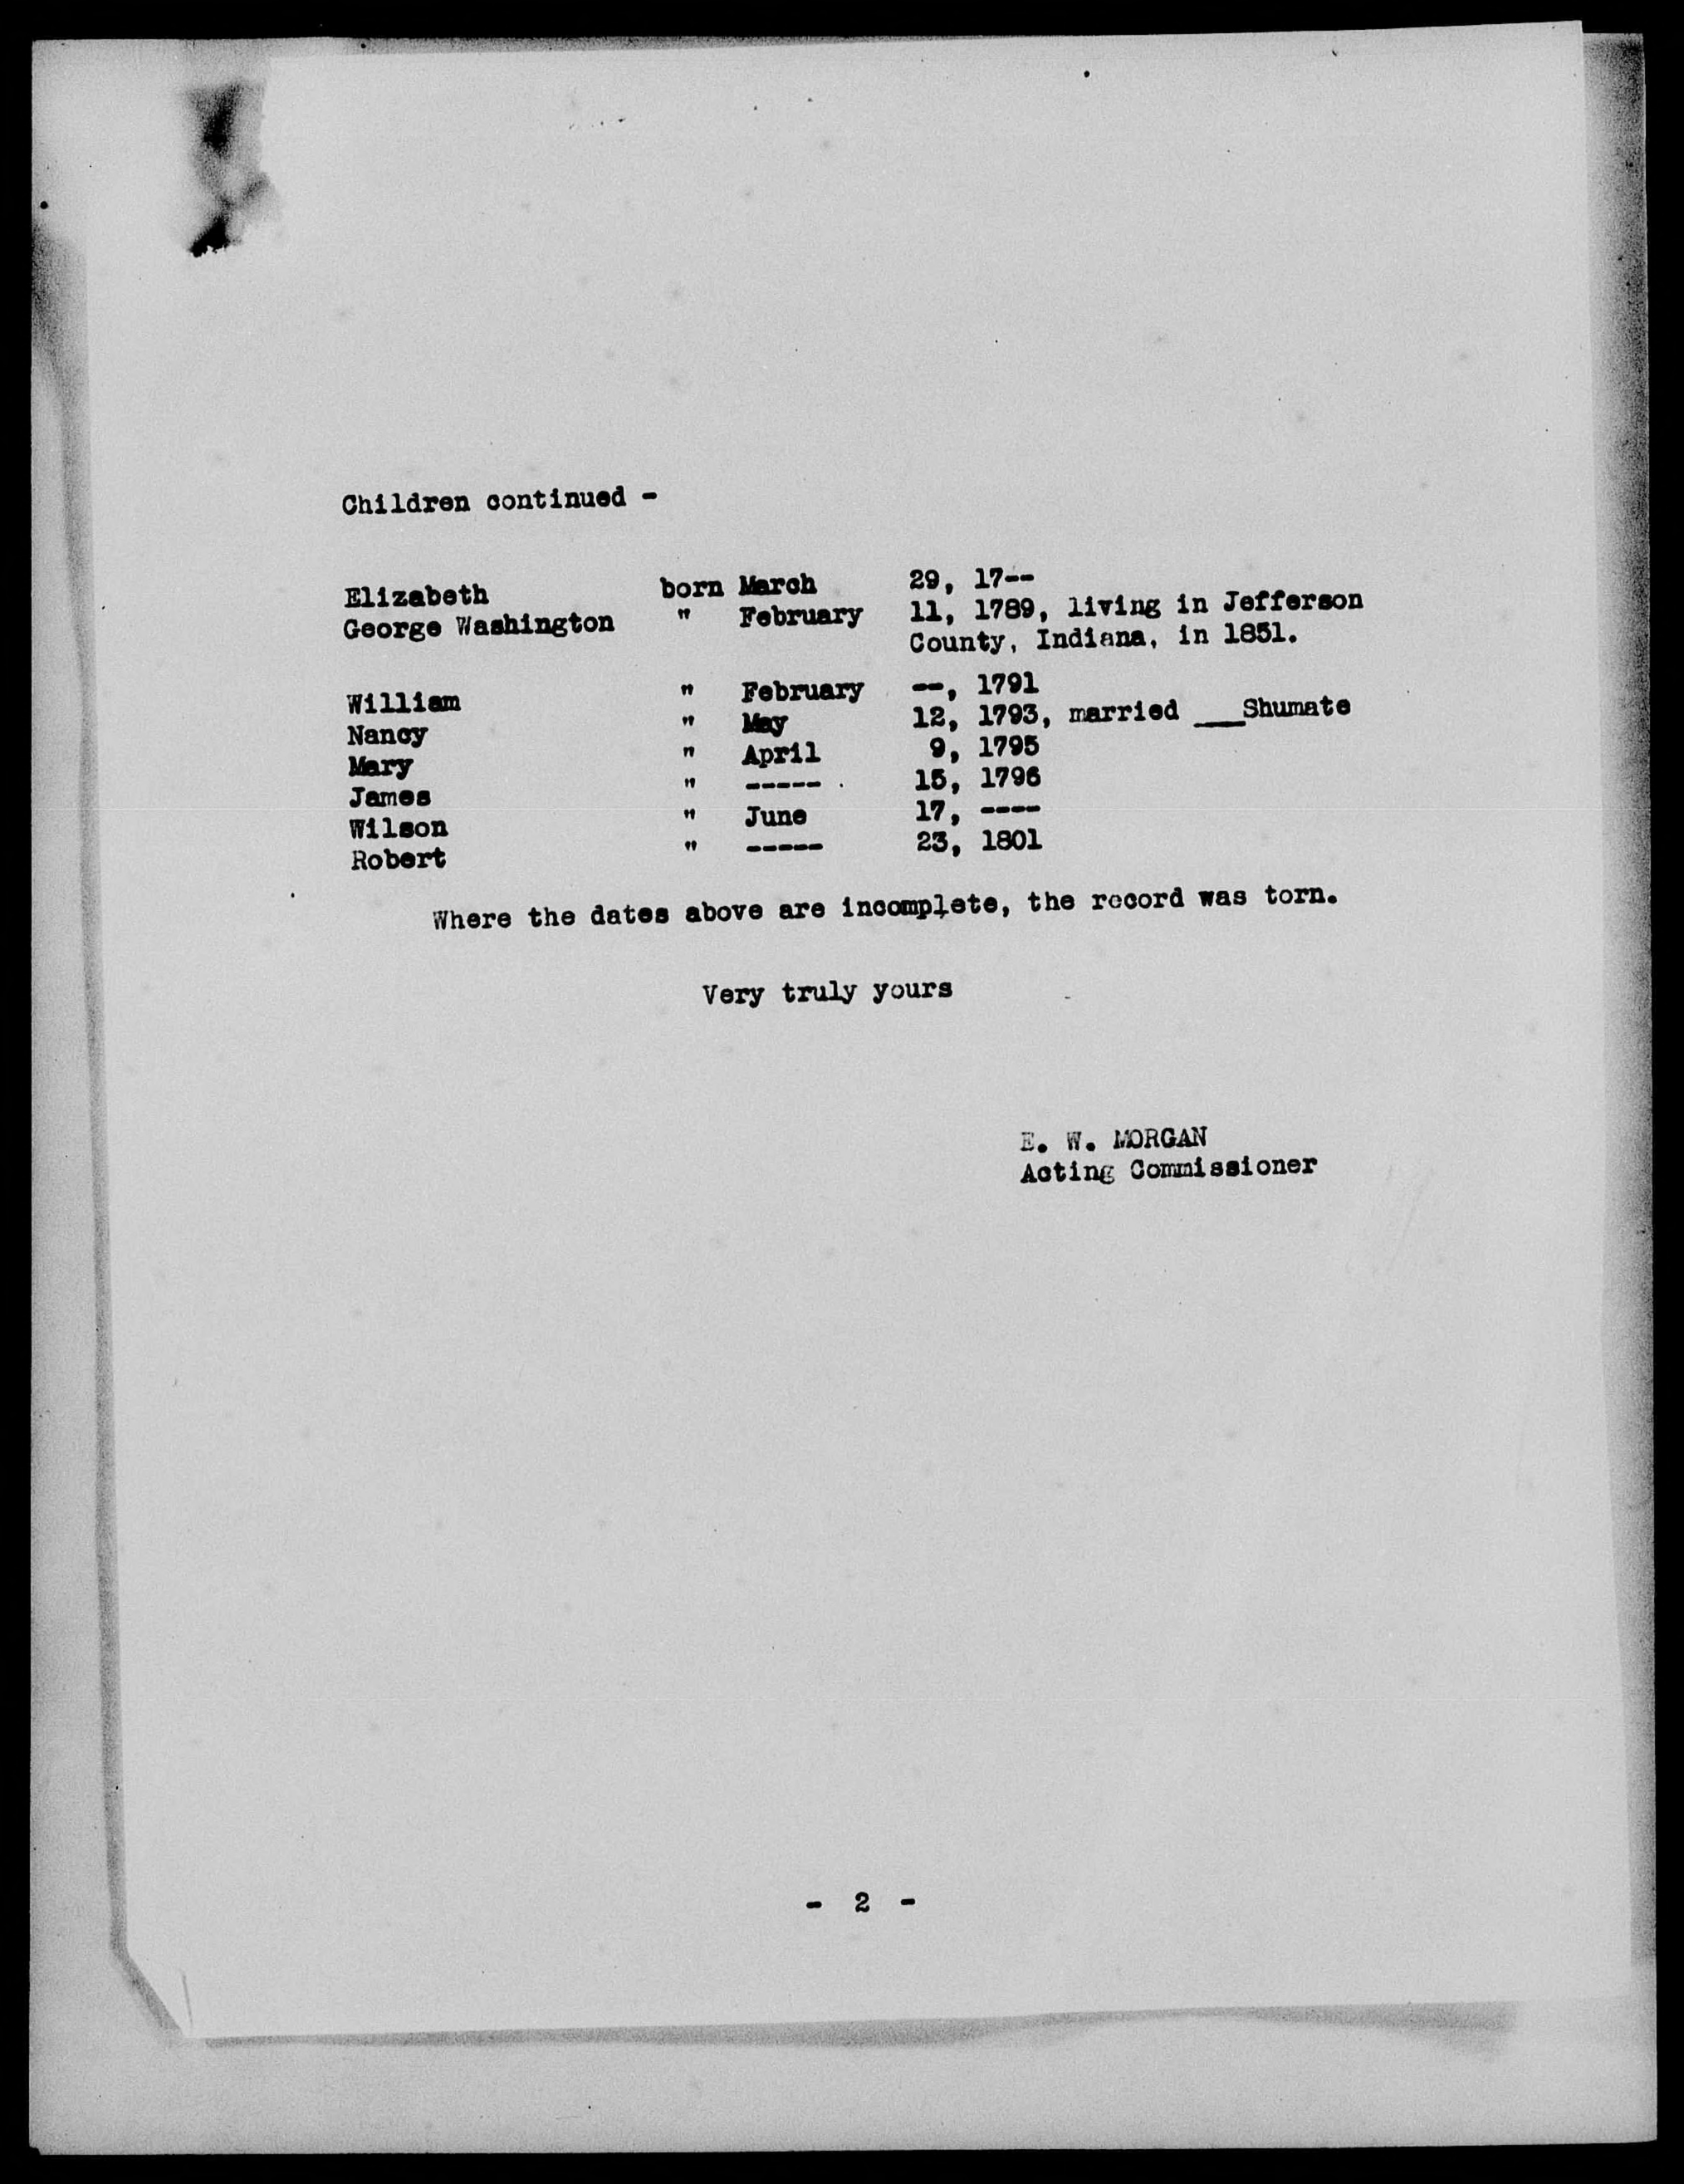Children continued - 

Elizabeth born March 29, 17-- 
George Washington " February 11, 1789, living in Jefferson 
County, Indiana, in 1851. 
William " February -- [blank], 1791 
Nancy " May 12, 1793, married __ [blank] Shumate 
Mary " April 9, 1795 
James " ----- [blank] 15, 1796 
Wilson " June 17, ---- [blank] 
Robert " ----- [blank] 23, 1801 

Where the dates above are incomplete, the record was torn. 

Very truly yours 

E. W. MORGAN 
Acting Commissioner 

 

-2-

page: 21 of 120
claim: widow's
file: W. 1044, for Salathiel Martin, North Carolina